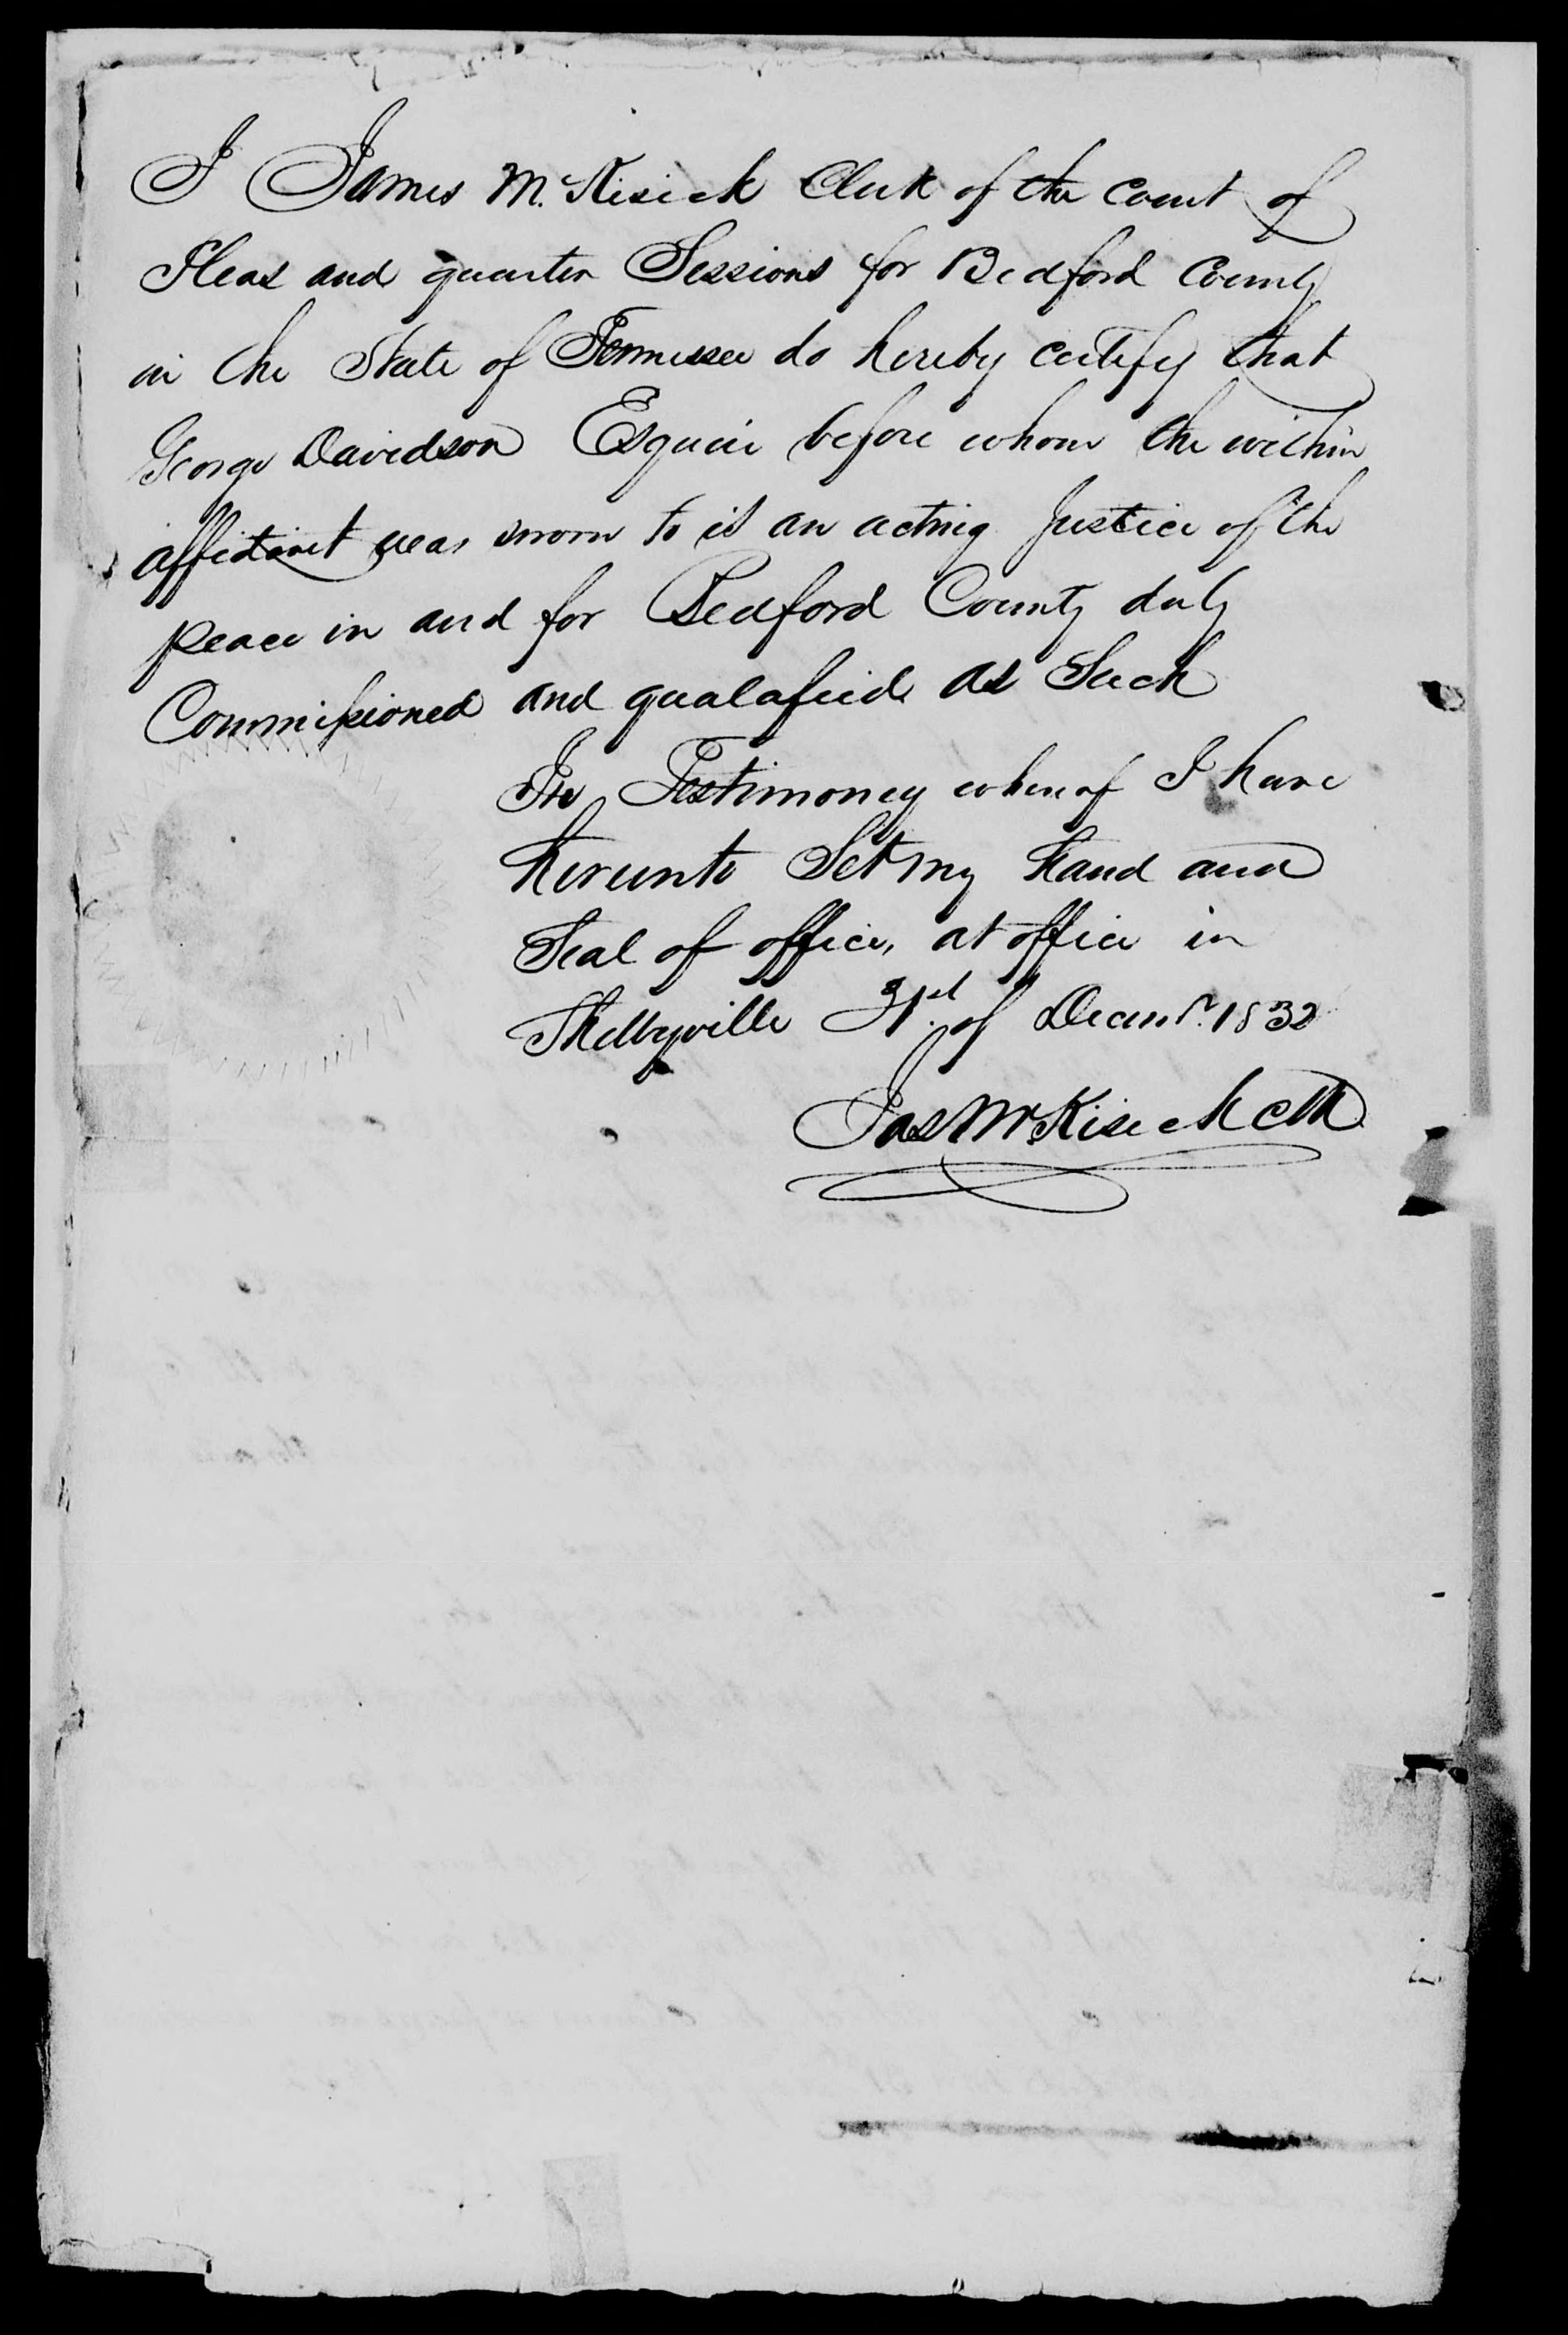I James McKisick Clerk of the Court of Pleas and Quarter Sessions for Bedford County in the State of Tennessee do hereby certify that George Davidson Esquire before whom the within affidavit was sworn to is an acting Justice of the peace in and for Bedford County duly commissioned and qualified as such.
In Testimony whereof I have hereunto set my hand and seal of office, at office in Shellyville 21st of Decem'r. 1832
[Signature]
Jas. McKisick Clk
[Seal]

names: George Davidson; James Mc Kisick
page: 23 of 33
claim: widow's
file: W. 52, for Randolph Moore, North Carolina